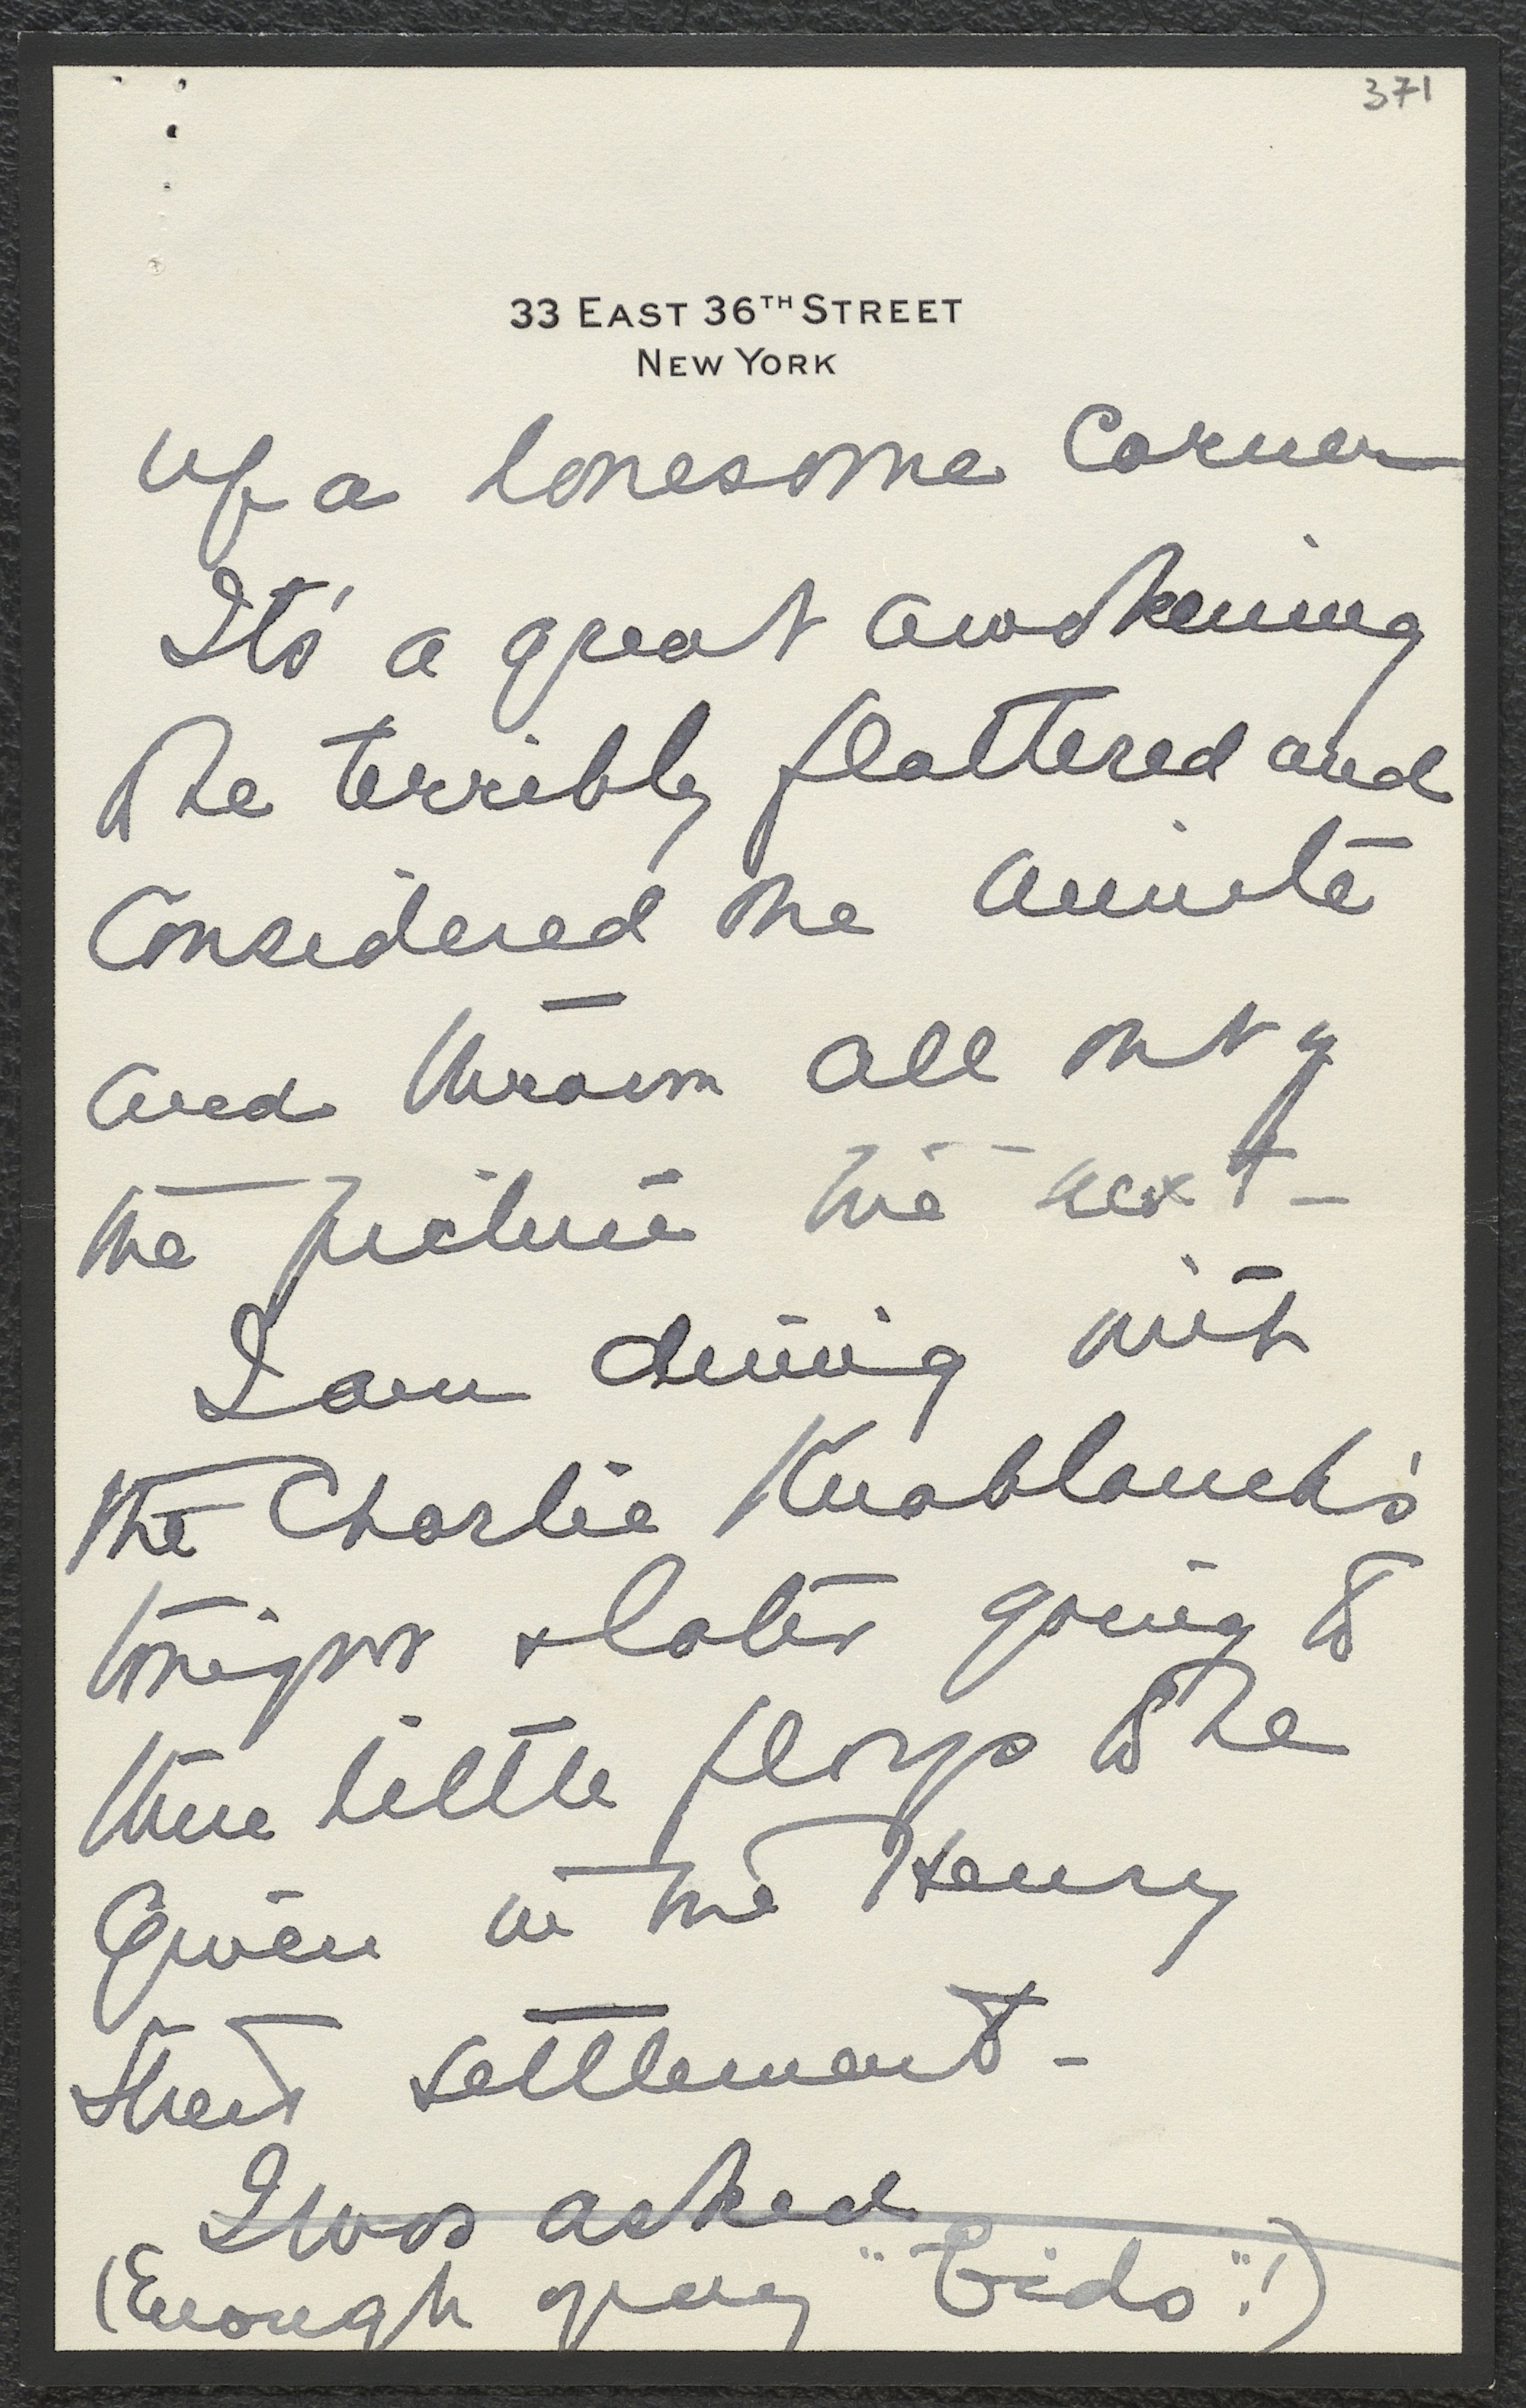up a lonesome corner
It’s a great awakening to be terribly flattered and considered one minute and thrown all out of the picture the next
I am dining with the Charlie Knablauch’s tonight & later going to three little plays to be given in the Henry Stein settlement
I was asked
(Enough of my “bids”!)